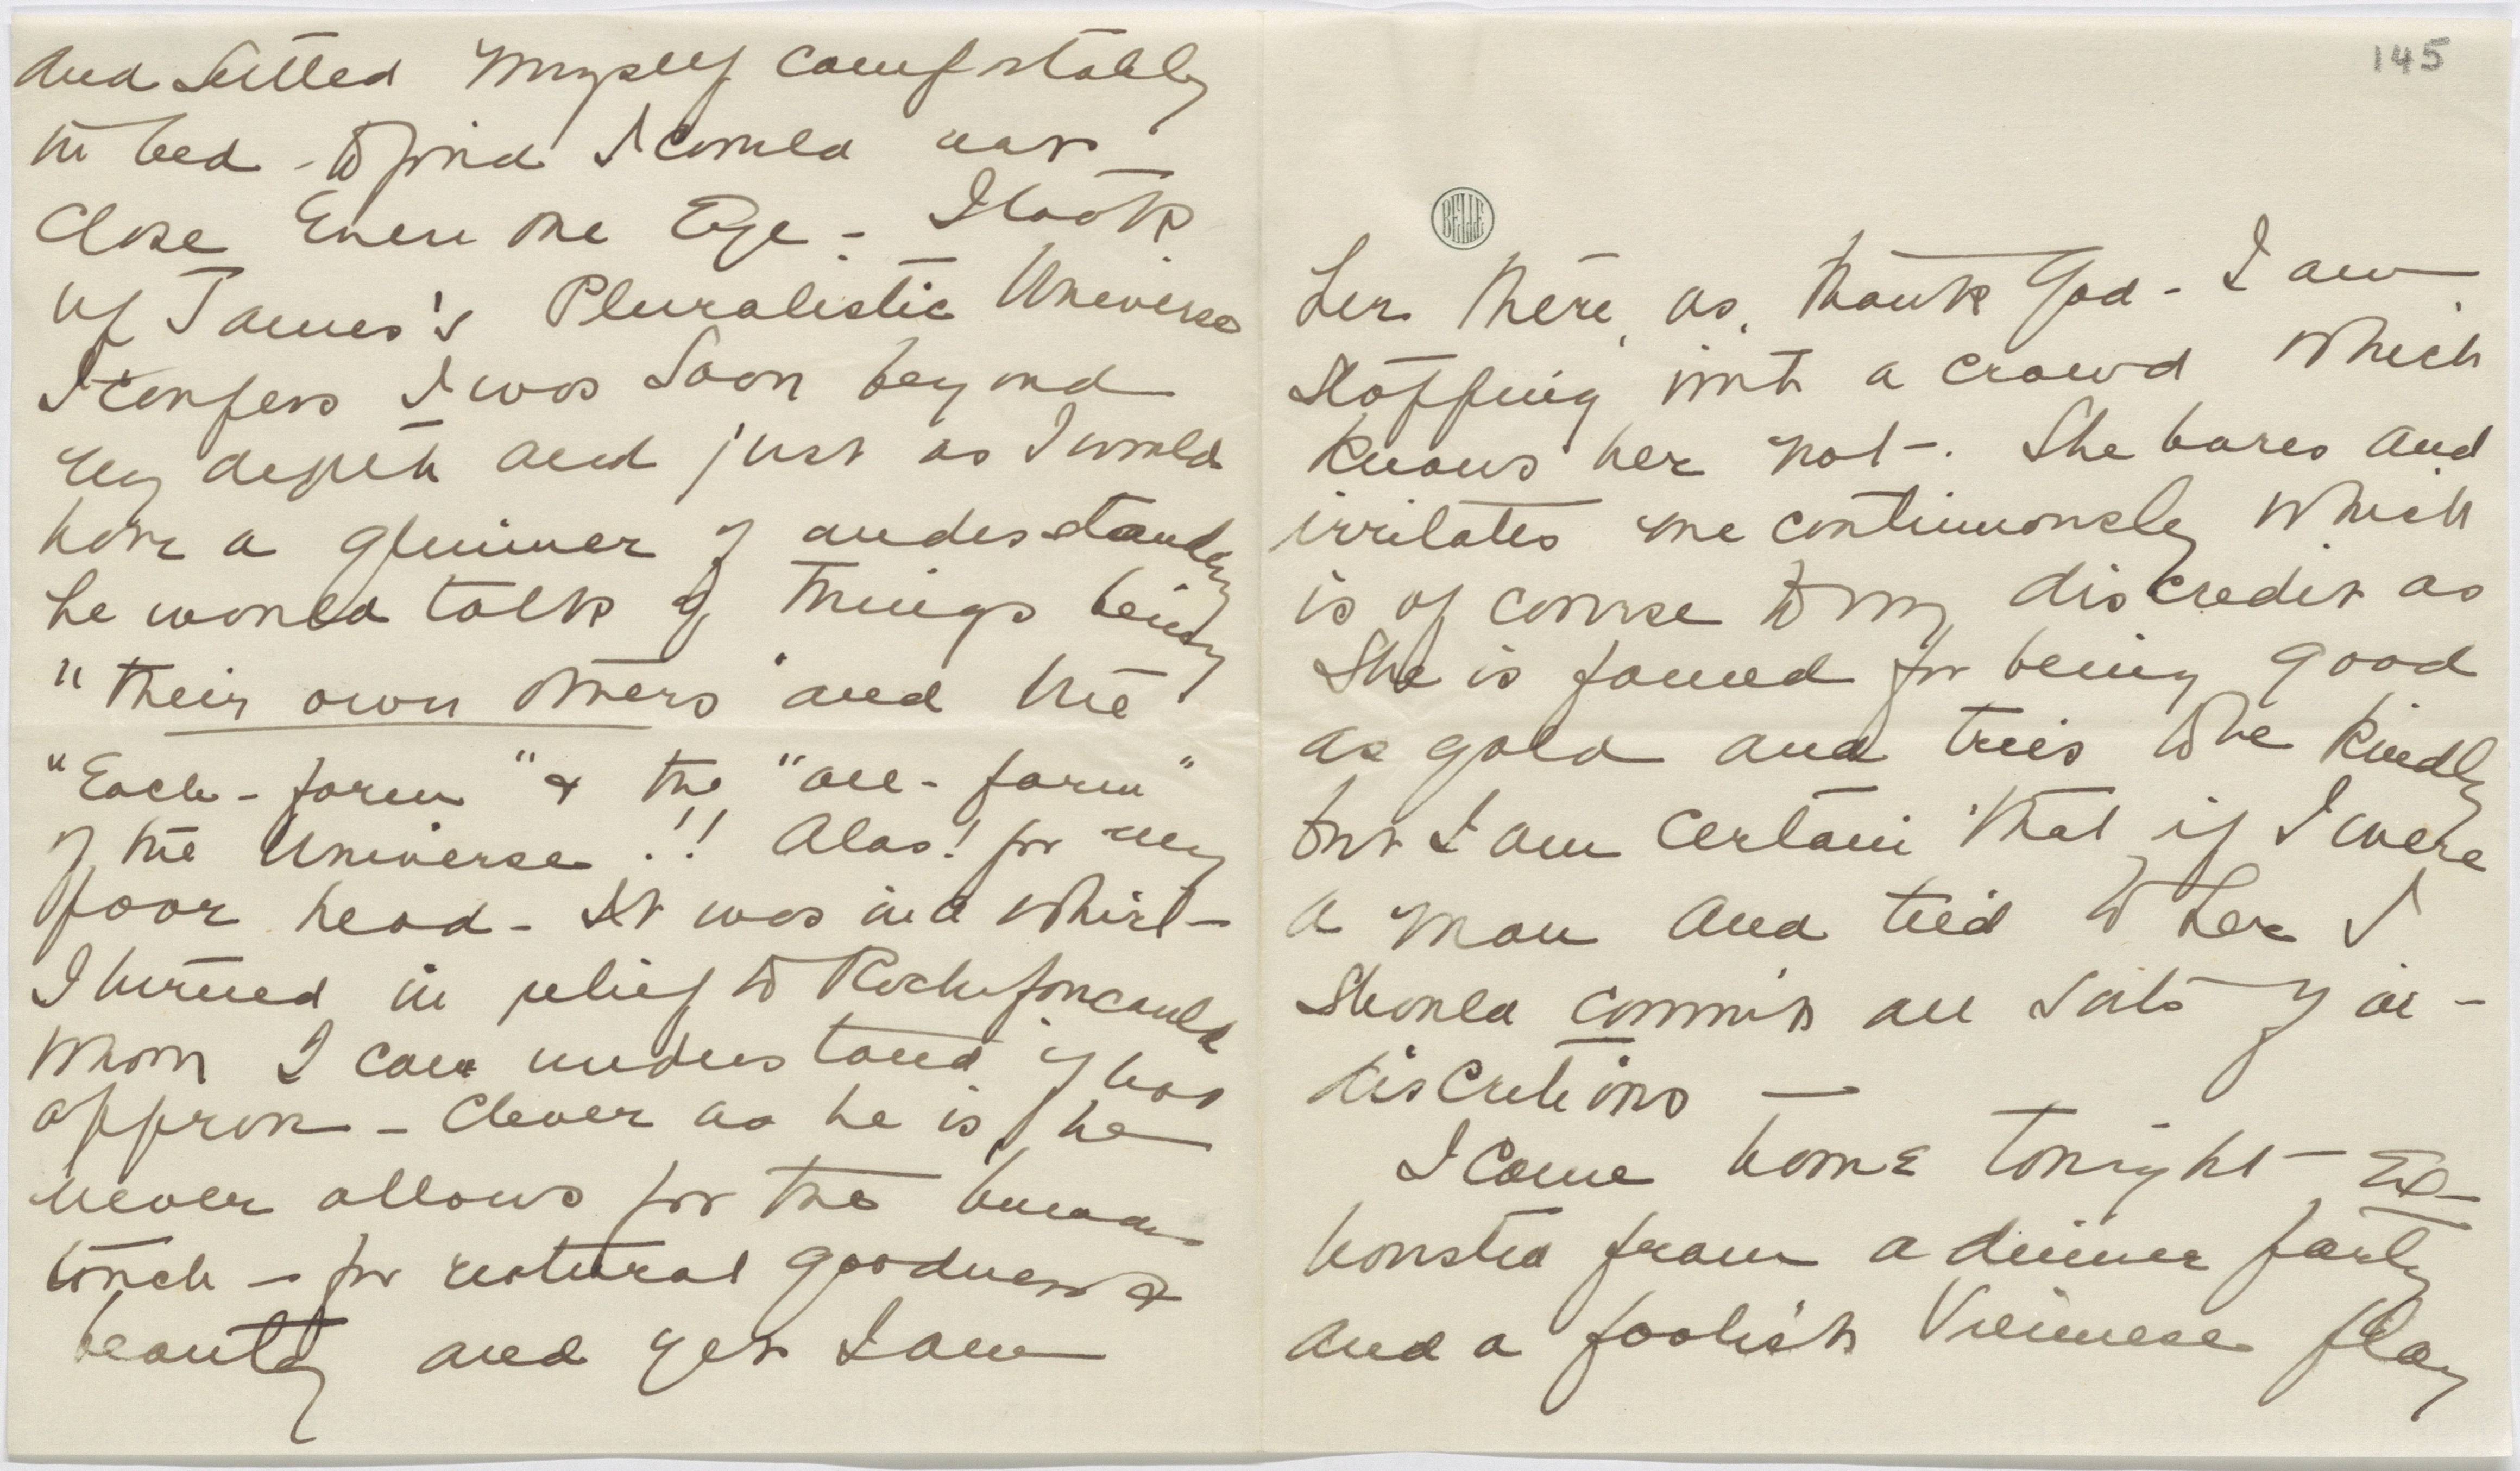her there as thank God – I am stopping with a crowd which knows her not. She bores and irritates me continuously which is of course to my discredit as she is famed for being good as gold and tries to be kindly but I am certain that if I were a man and tied to her I should commit all sorts of indiscretions –
I came home tonight exhausted from a dinner party and a foolish Viennese play
and settled myself comfortably in bed to find I could not close even one eye – I took up James’s Pluralistic Universe I confess I was soon beyond my depth and just as I would have a glimmer of understanding he would talk of things being “their own others” and the “each-form” & the “all-form” of the Universe!! Alas! for my poor head – It was in a whirl – I turned in relief to Rochefoucauld whom I can understand if not approve – clever as he is, he never allows for the human touch – for natural goodness & beauty and yet I am